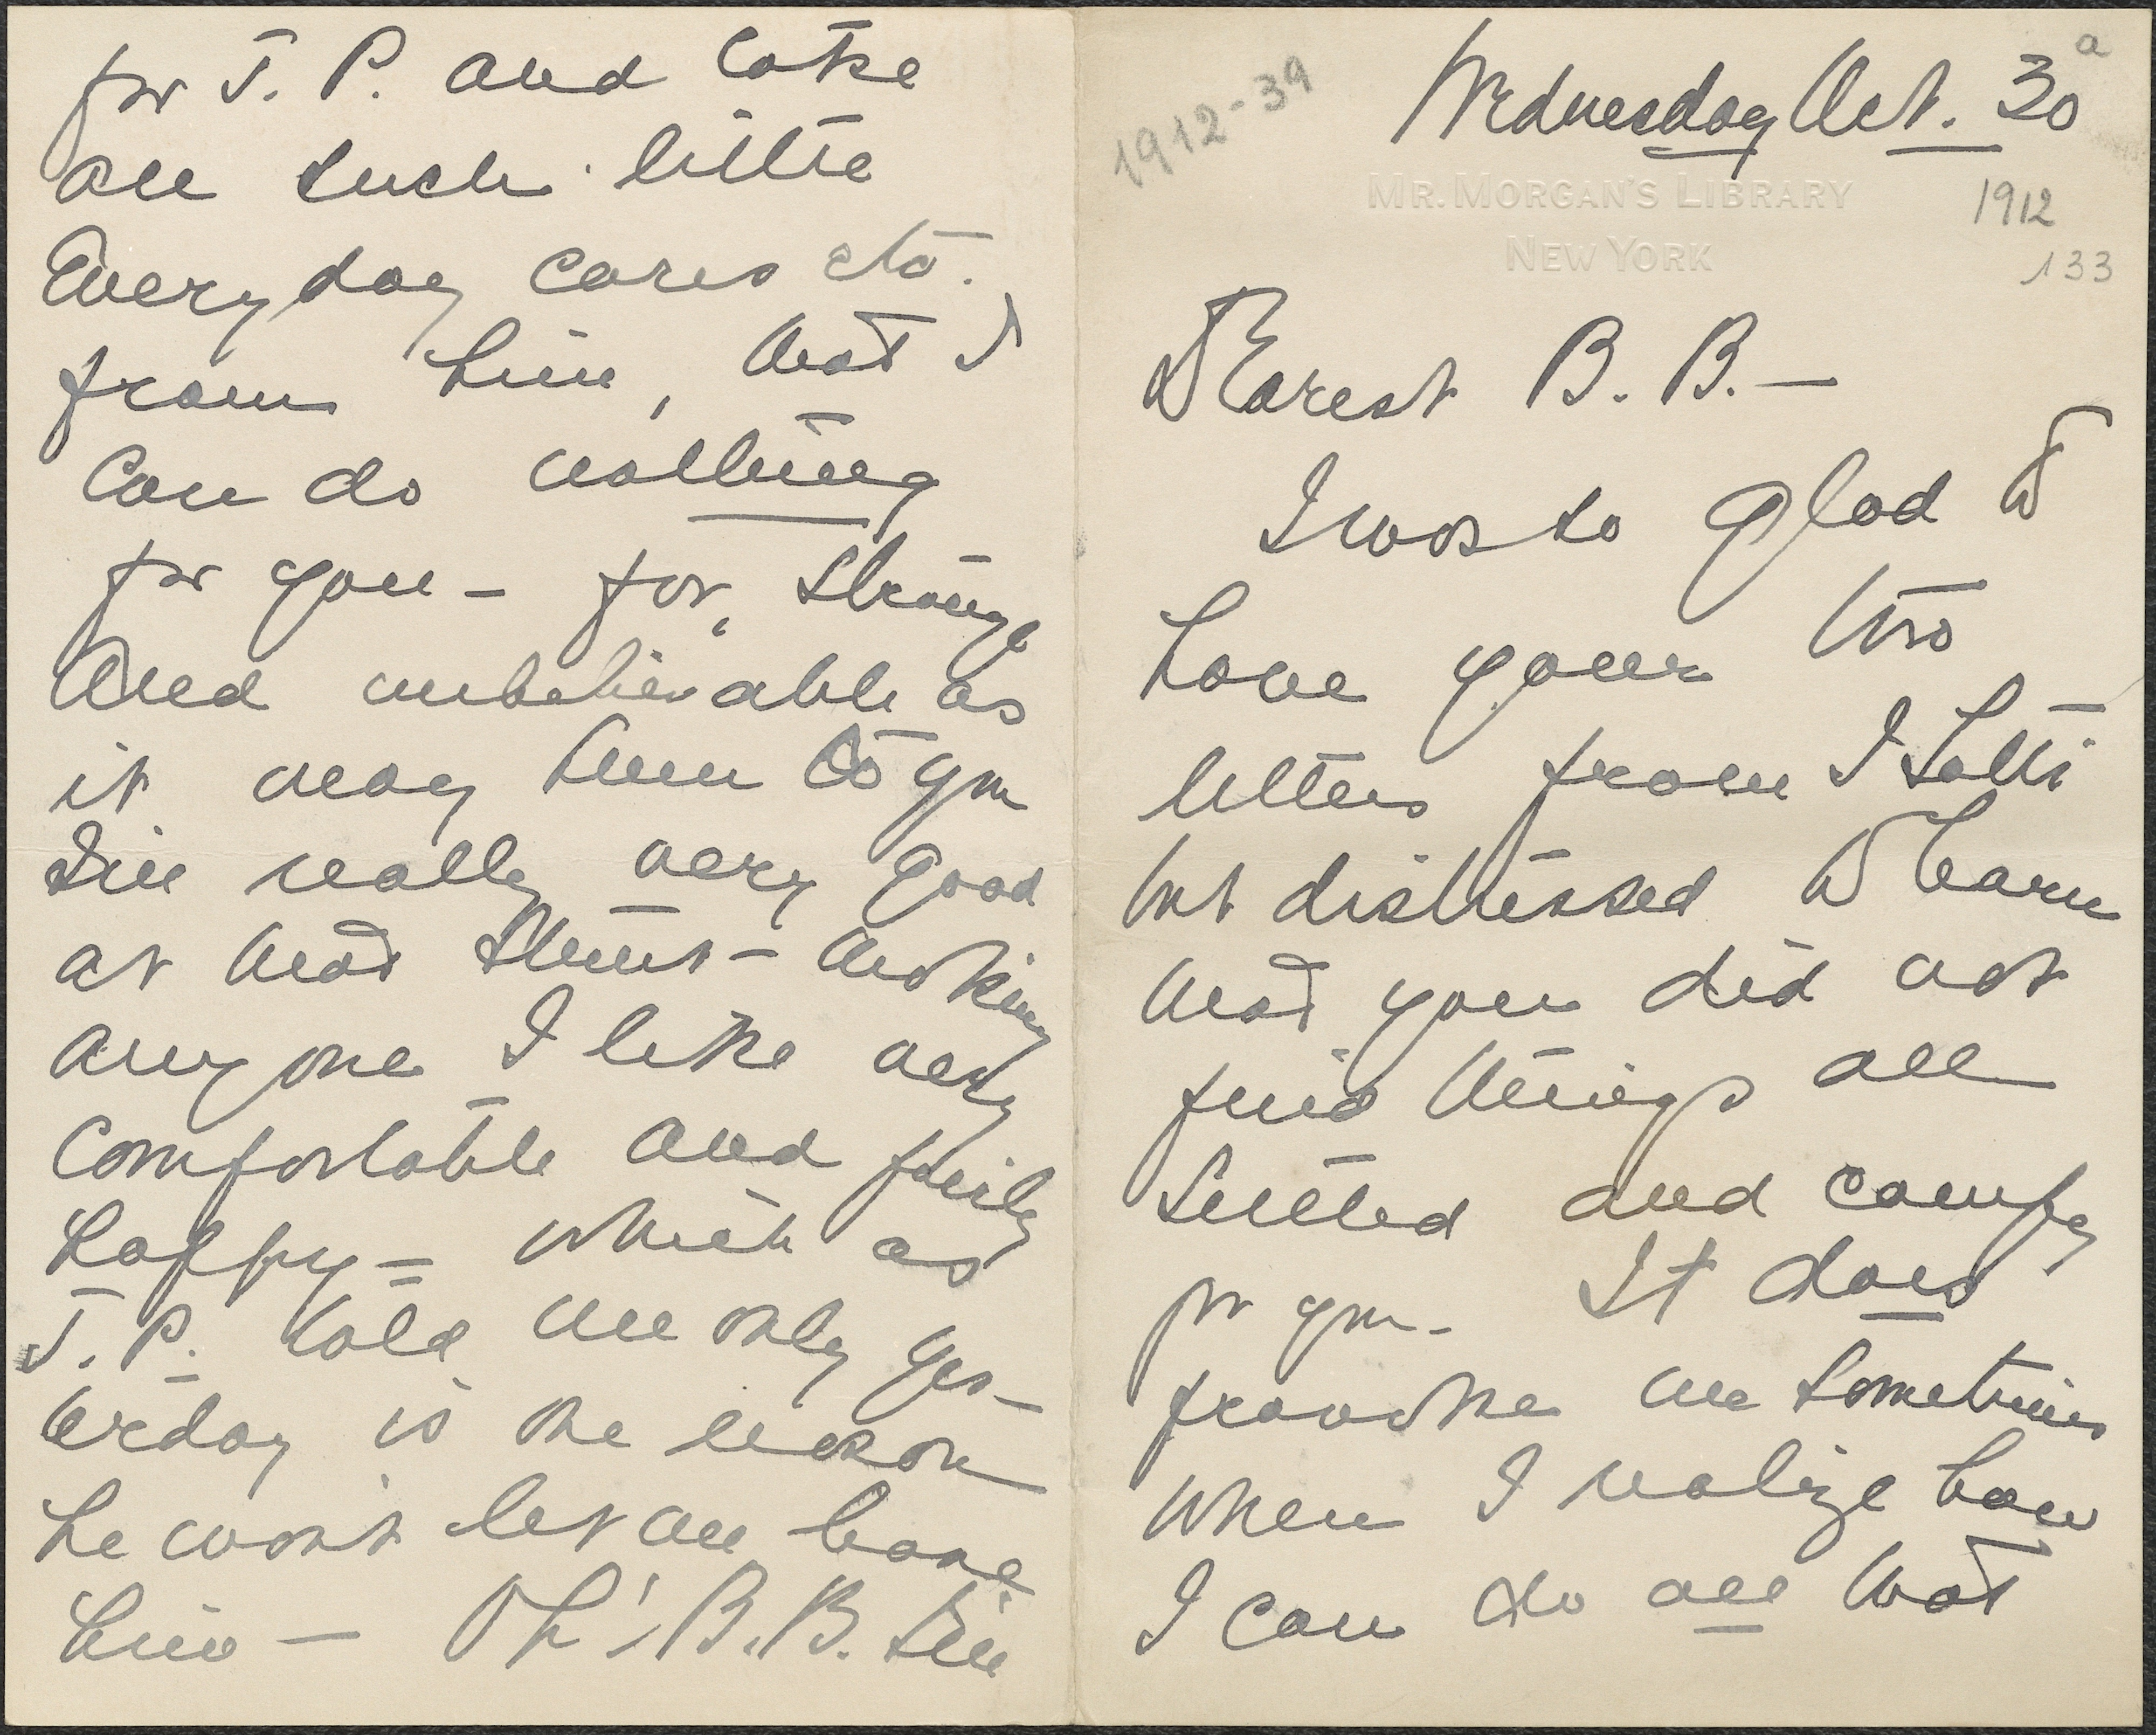Wednesday Oct. 30
Dearest B. B. –
I was so glad to have your two letters from I Tatti but distressed to learn that you did not find things all settled and comfy for you – It does provoke me sometimes when I realize how I can do all that
for J. P. and take all such little every day cares etc. from him, that I can do nothing for you – for, strange and unbelievable as it may seem to you I’m really very good at that stunt – making anyone I like very comfortable and fairly happy – which as J. P. told me only yesterday is one reason he won’t let me leave him – oh! B. B. I’m